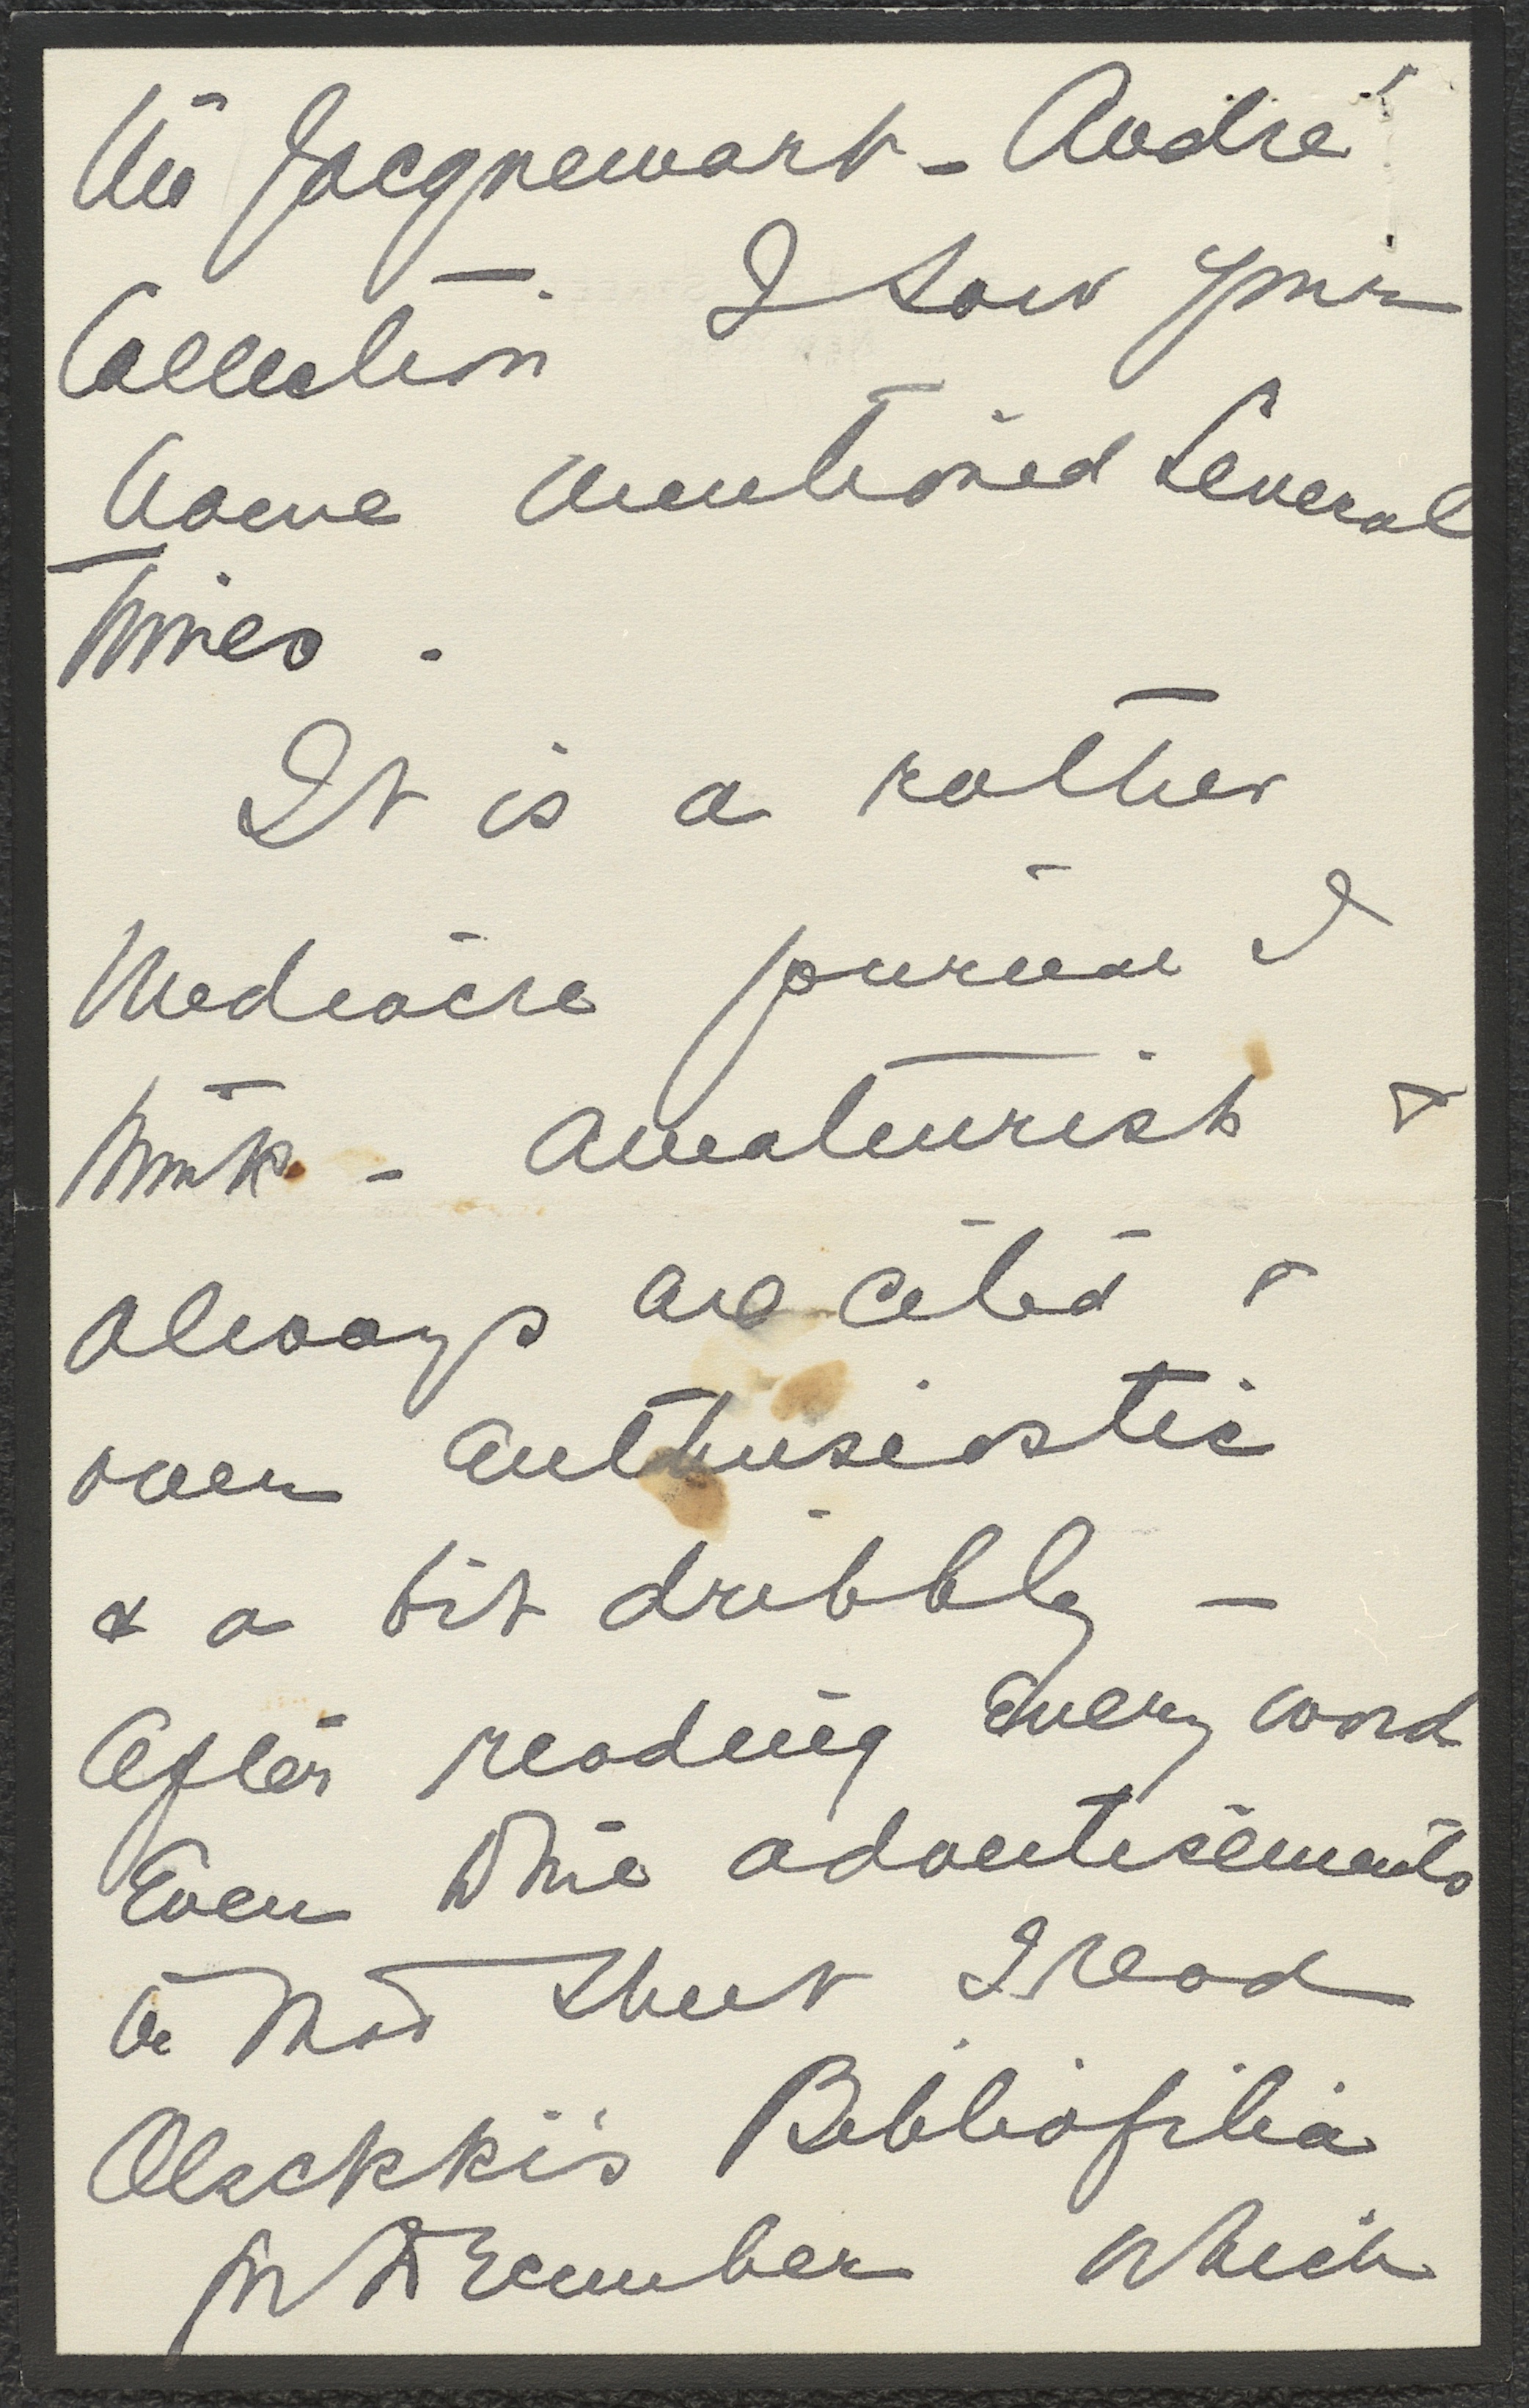the Jacquemart-André Collection I saw your name mentioned several times.
It is a rather mediocre journal I think – amateurish & always excited & over enthusiastic & a bit dribbly – After reading every word even to the advertisements in that sheet I read Olsckki’s [sic] Bibliophilia for December which